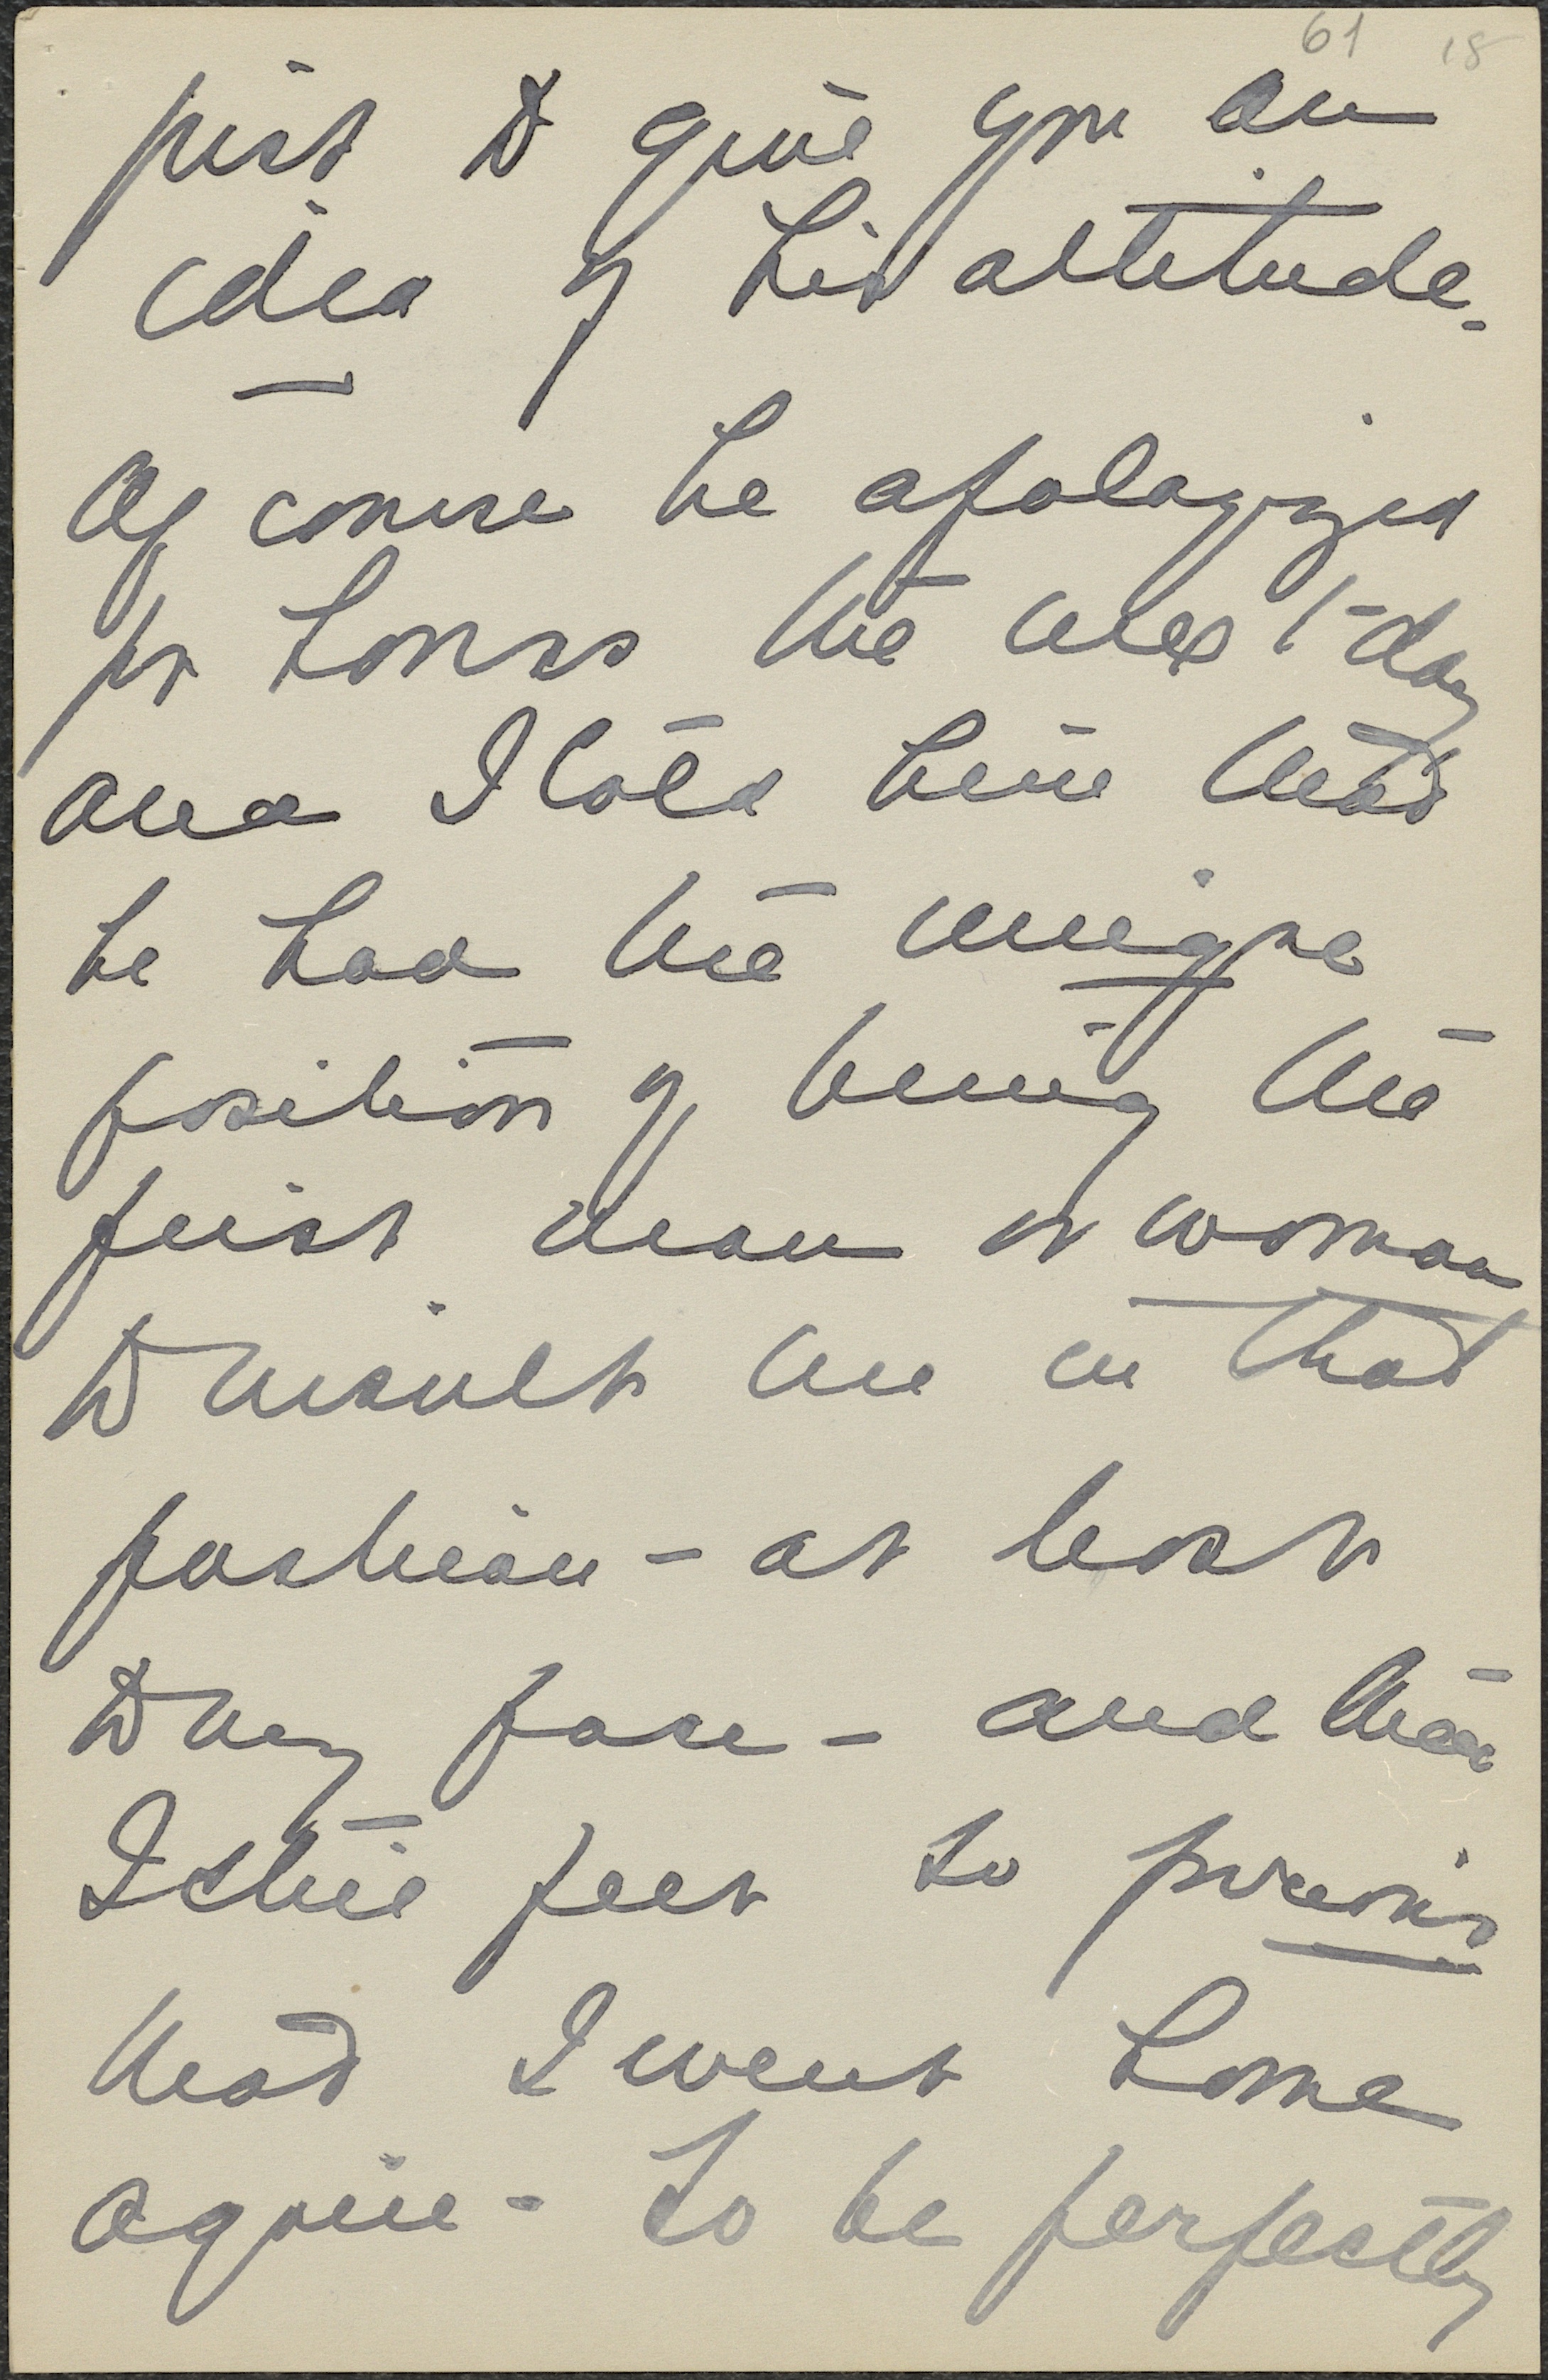just to give you an idea of his attitude. Of course he apologized for hours the next day and I told him that he had the unique position of being the first man or woman to insult me in that fashion – at least to my face – and then I still felt so furious that I went home again – to be perfectly